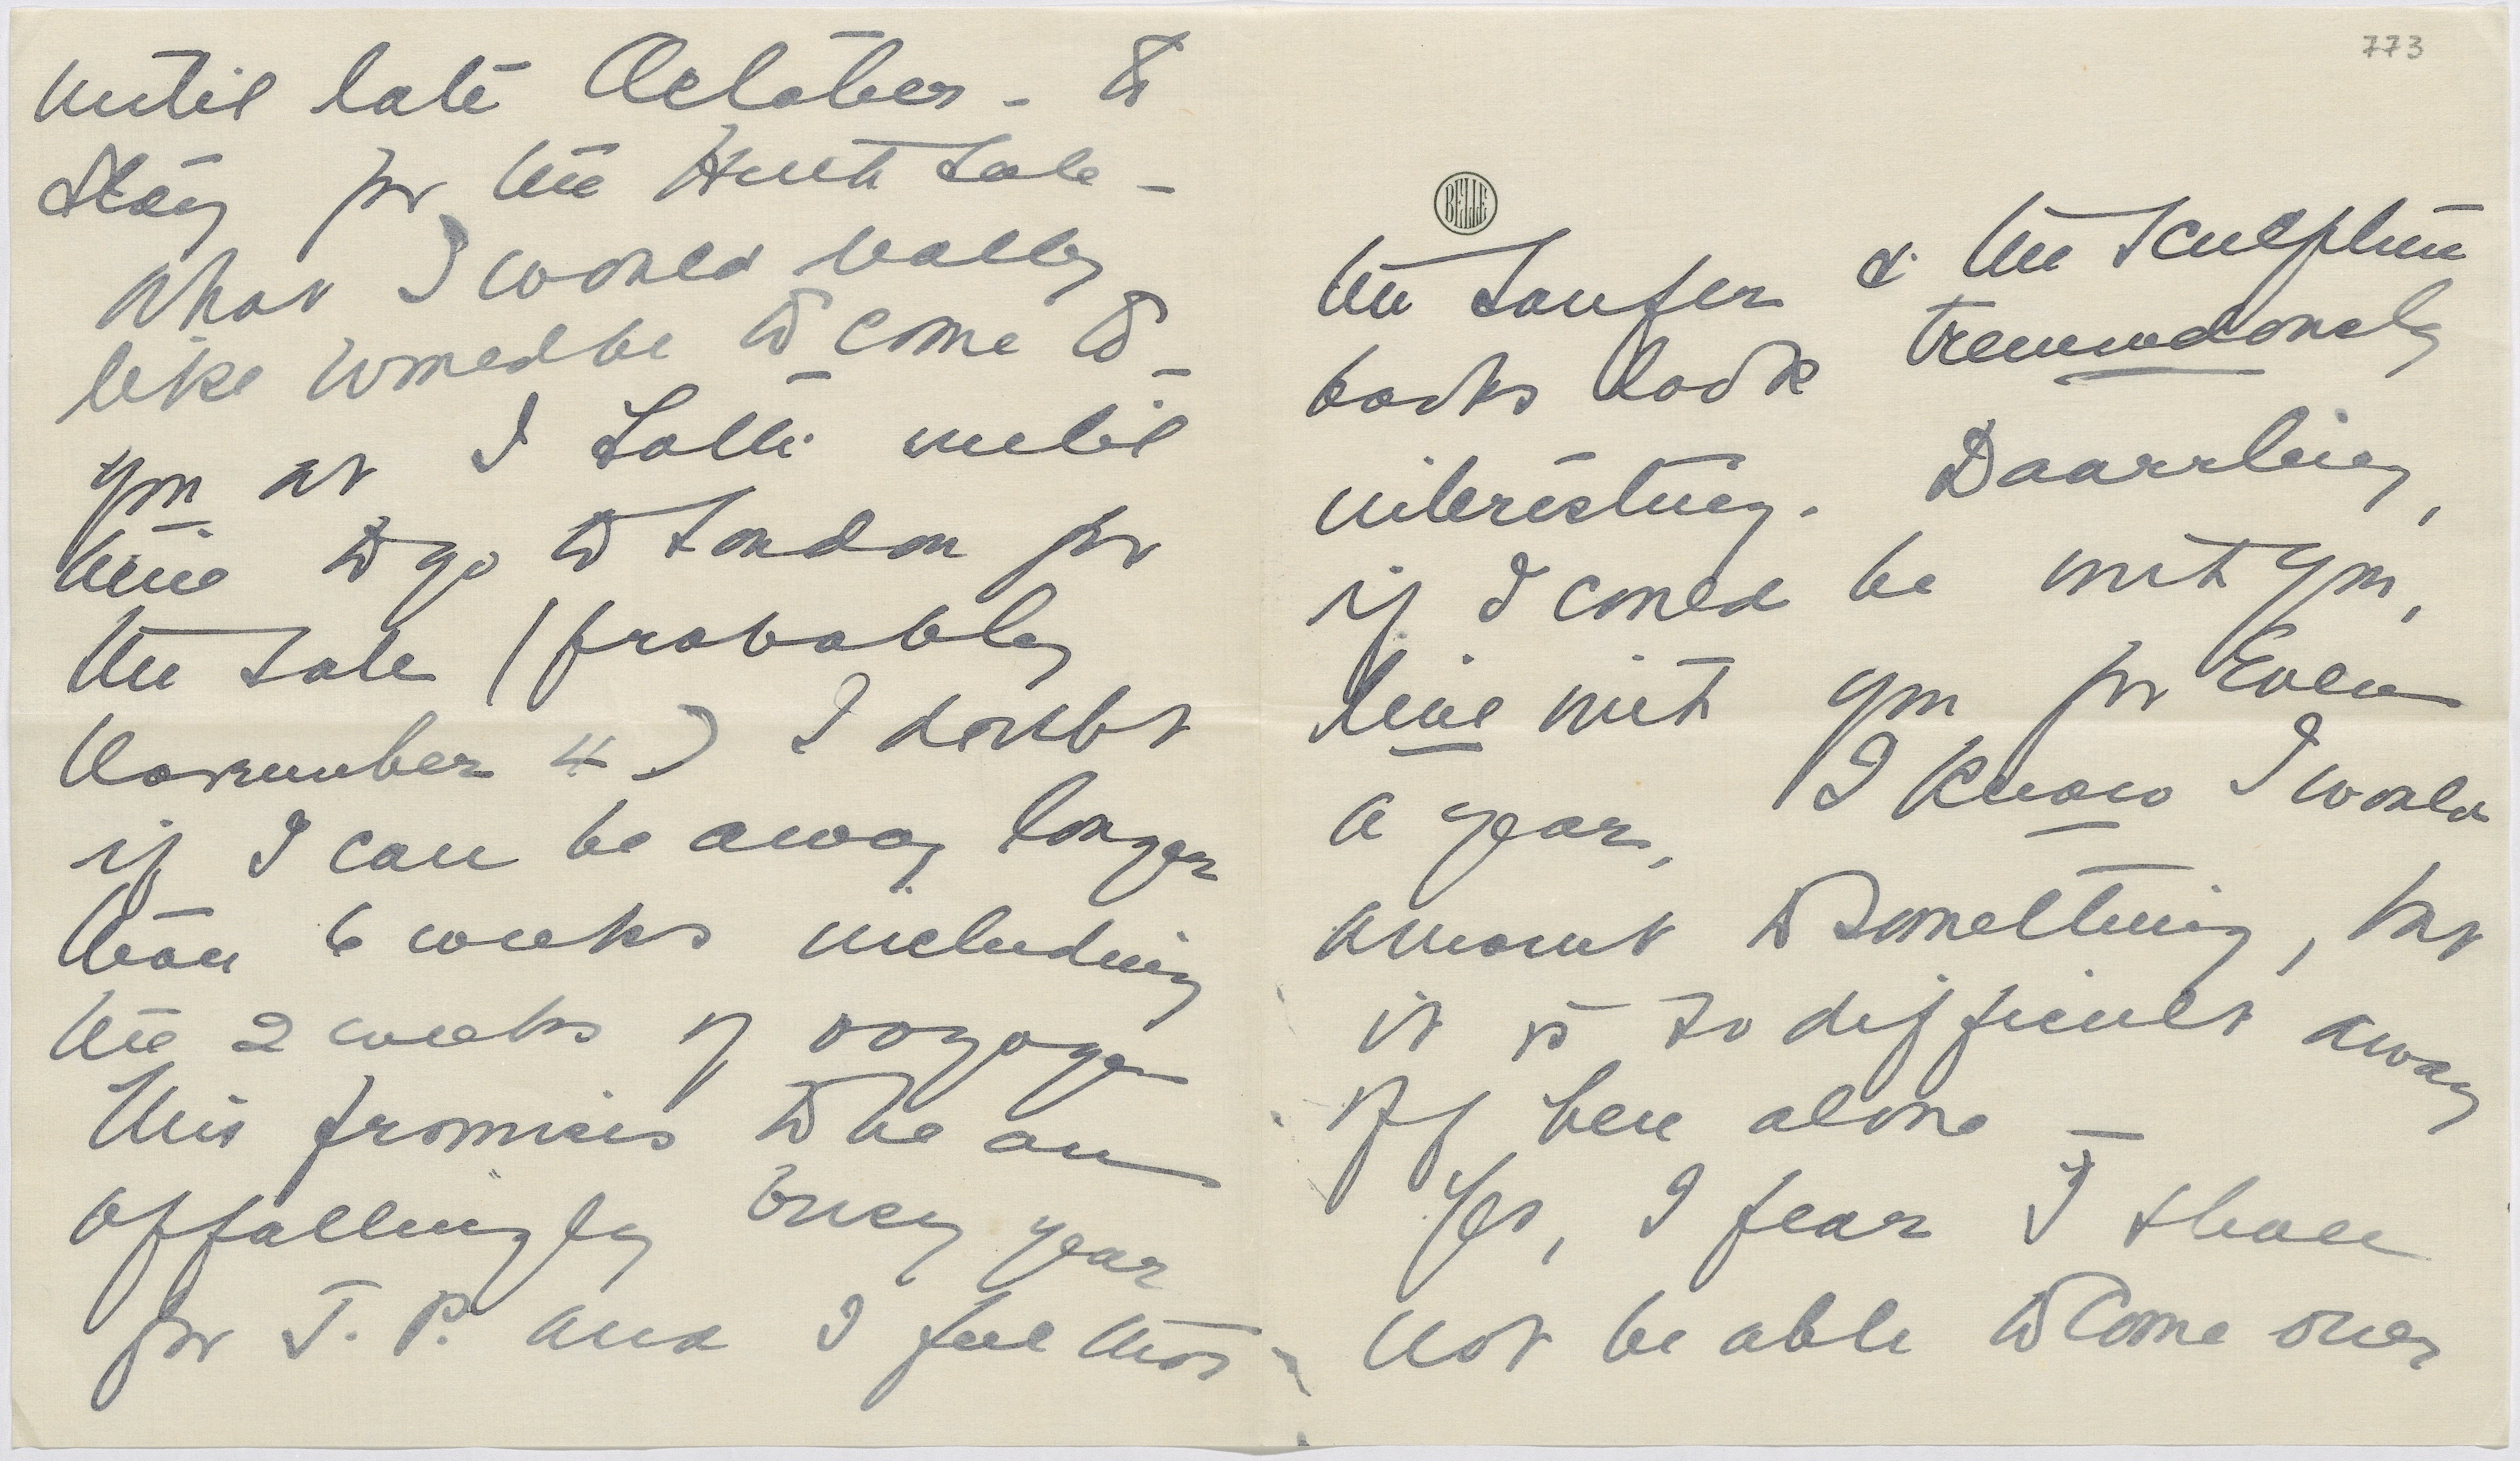the Laufer & the sculpture books look tremendously interesting. Daarrling, if I could be with you, live with you for even a year, I know I would amount to something, but it is so difficult away off here alone –
Yes, I fear I shall not be able to come over
until late October – to stay for the Huth sale –
What I would really like would be to come to you at I Tatti until time to go to London for the sale (probably November 4) I doubt if I can be away longer than 6 weeks including the 2 weeks of voyage
This promises to be an appallingly busy year for J. P. and I feel that